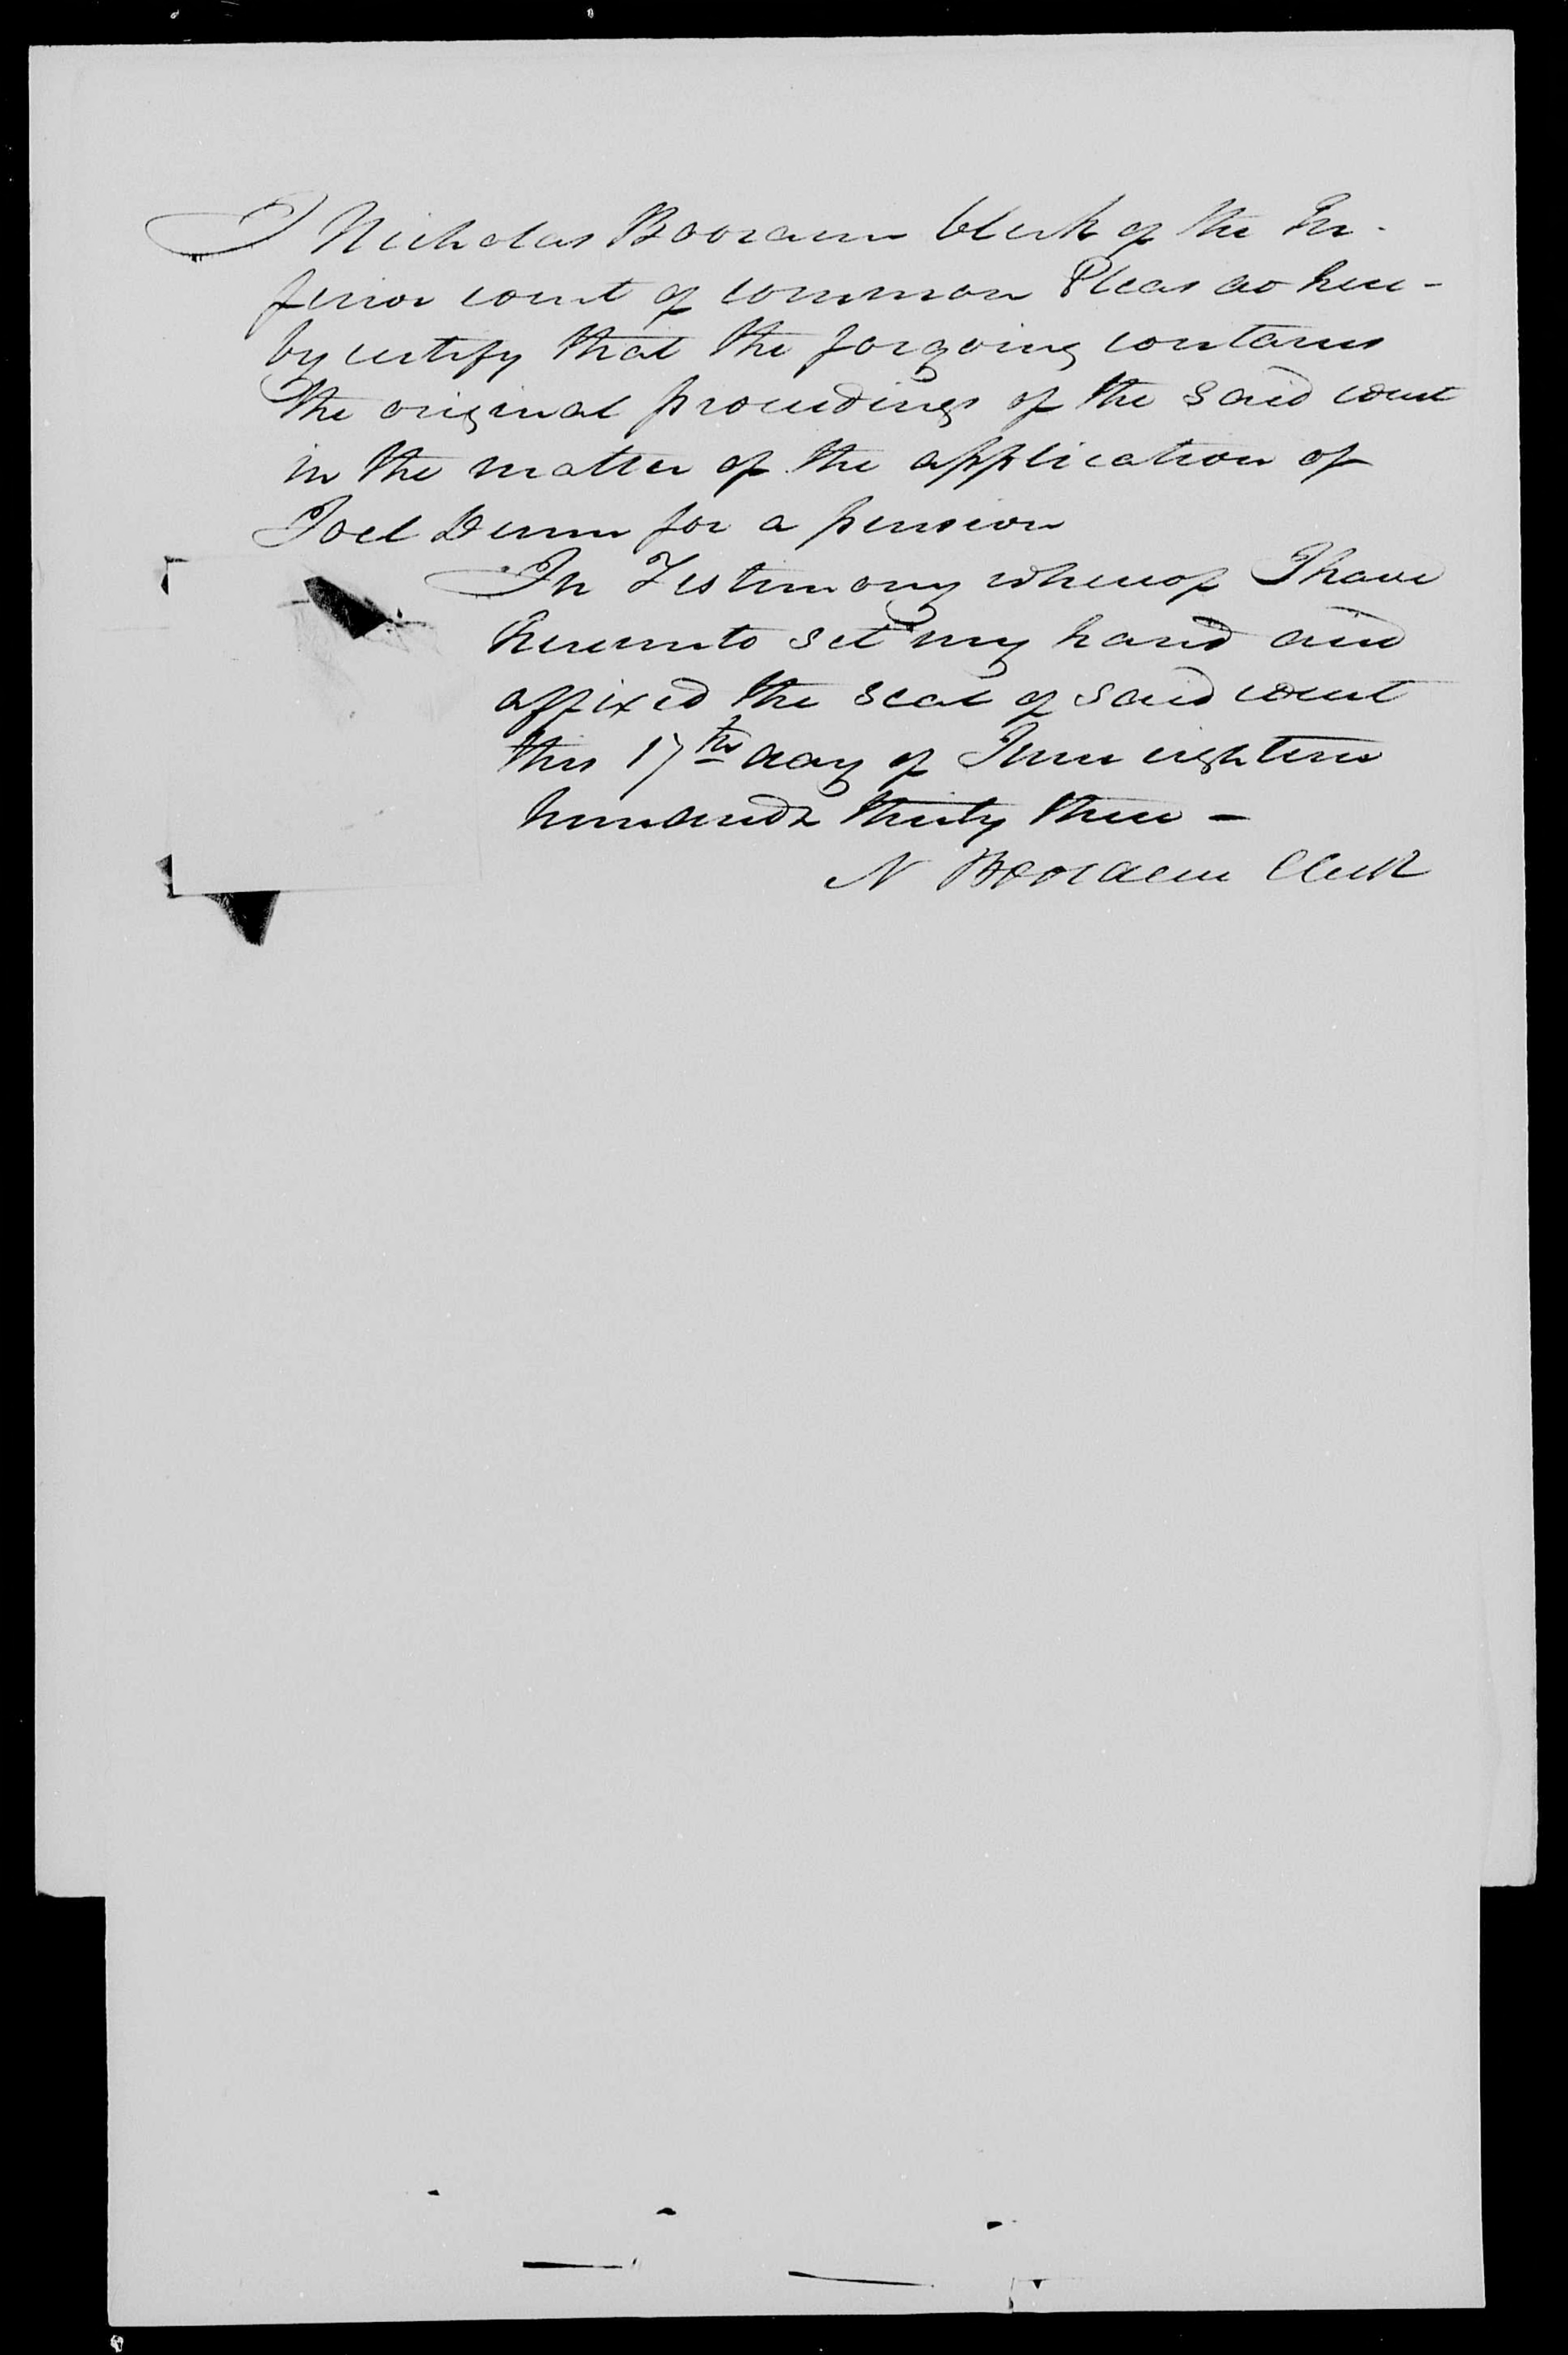I Nicholas Booraem Clerk of the Inferior court of commission [?] Please so hereby certify that the forgoing contains the original proceedings of the said court in the matter of the application of Joel Dunn for a pension.
In testimony whereof I have hereunto set my hand and affixed the seal of said court this 17th day of June eighteen hundred and thirty three

N Booraem Clerk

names: Nicholas Booraem, Joel Dunn, N Booraem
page: 39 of 52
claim: widow's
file: W. 919, Joel Dunn, New Jersey